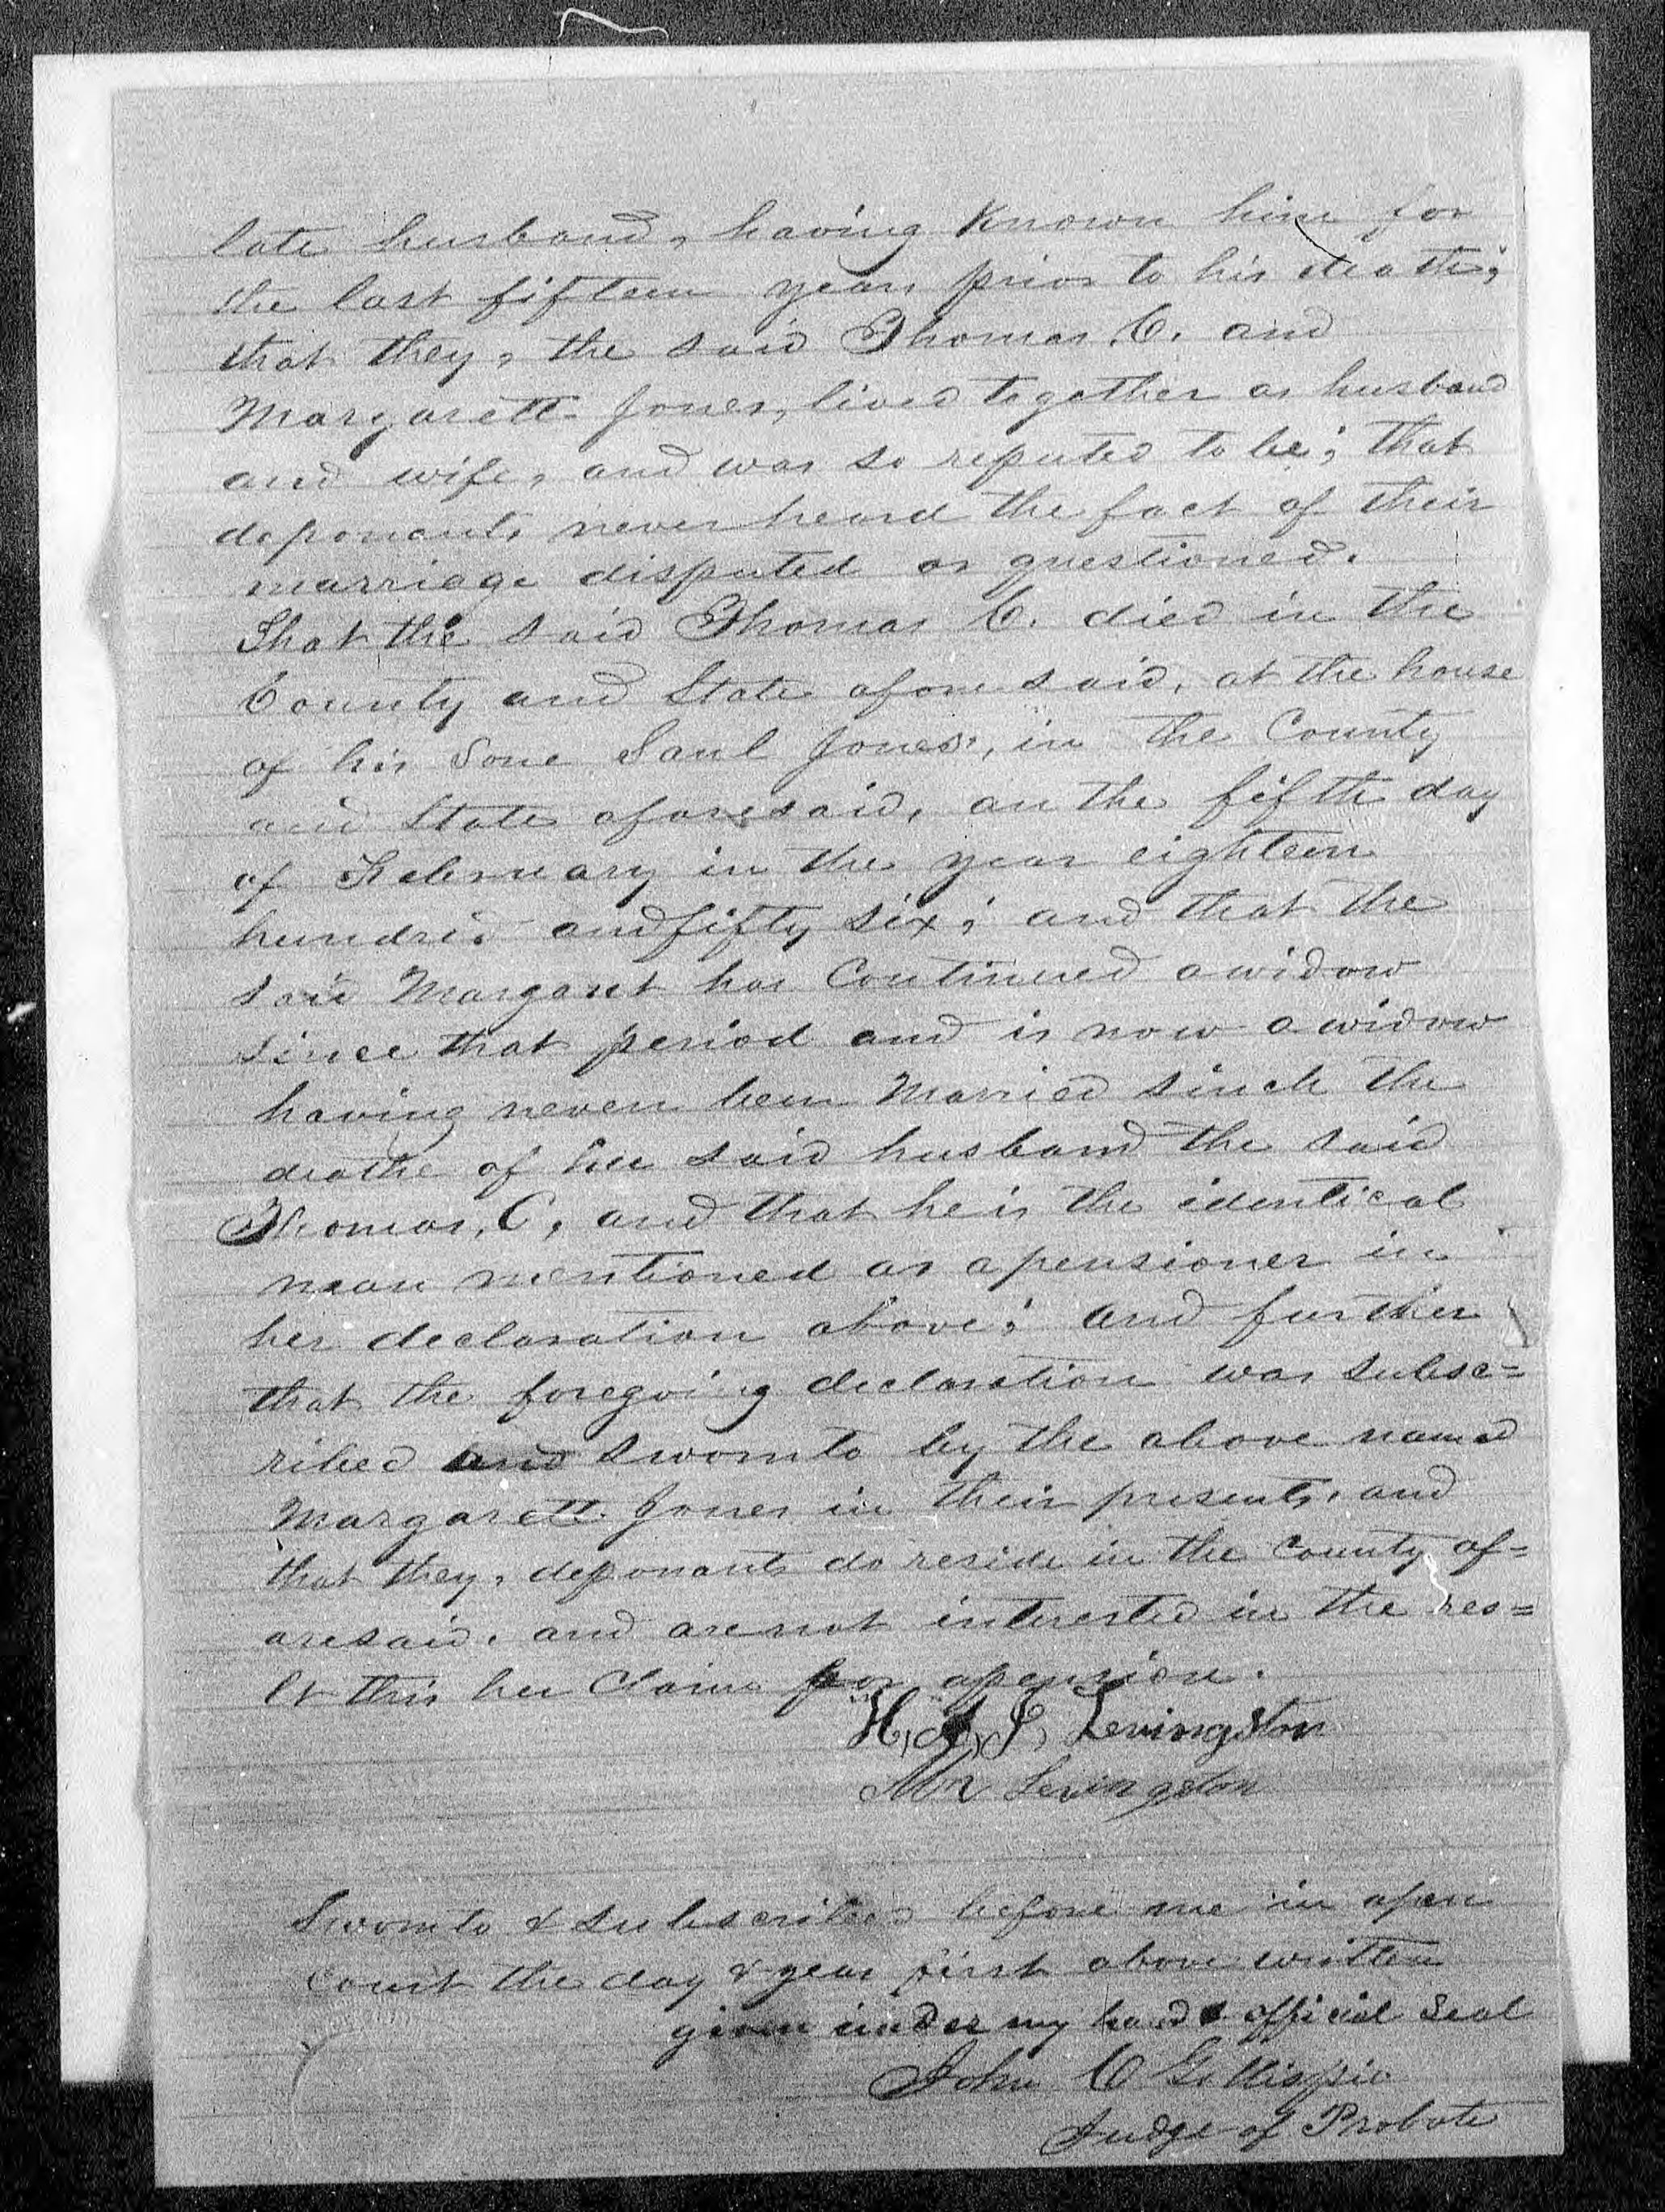late husband, having known him for 
the last fifteen years prior to his death;
that they, the said Thomas C. and 
Margarett Jones, lived together as husband
and wife, and was so reputed to be; that
deponent never heard the fact of their 
marriage disputed or questioned.
That the said Thomas C. died in the 
County and State aforesaid, at the house
of his son Saul Jones in the County 
and State aforesaid on the fifth day 
of February in the year eighteen 
hundred and fifty six; and that the 
said Margaret has continued a widow
since that period and is now a widow
having never been married since the 
death of her said husband the said
Thomas C, and that he is the identical
man mentioned as a pensioner in 
her declaration above; and further 
that the foregoing declaration was subscribed 
and sworn to by the above named 
Margarett Jones in their presents and 
that they deponants do reside in the county of 
aforesaid and aren't interested in the 
result this her claims for a  pension.
H. A. J. Livingston
M. Livingston
Sworn to and subscribed before me in open 
court the day & year first above written 
given under my hand & official seal
John C. Gillispie
Judge of Probate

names: H A J Levingston; John C Gillispie; Saul Jones; Thomas C Jones; Margaret [BLANK]; Margarett Jones; M V Levingston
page: 16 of 45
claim: widow's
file: W. 26160, for Thomas C Jones, Georgia